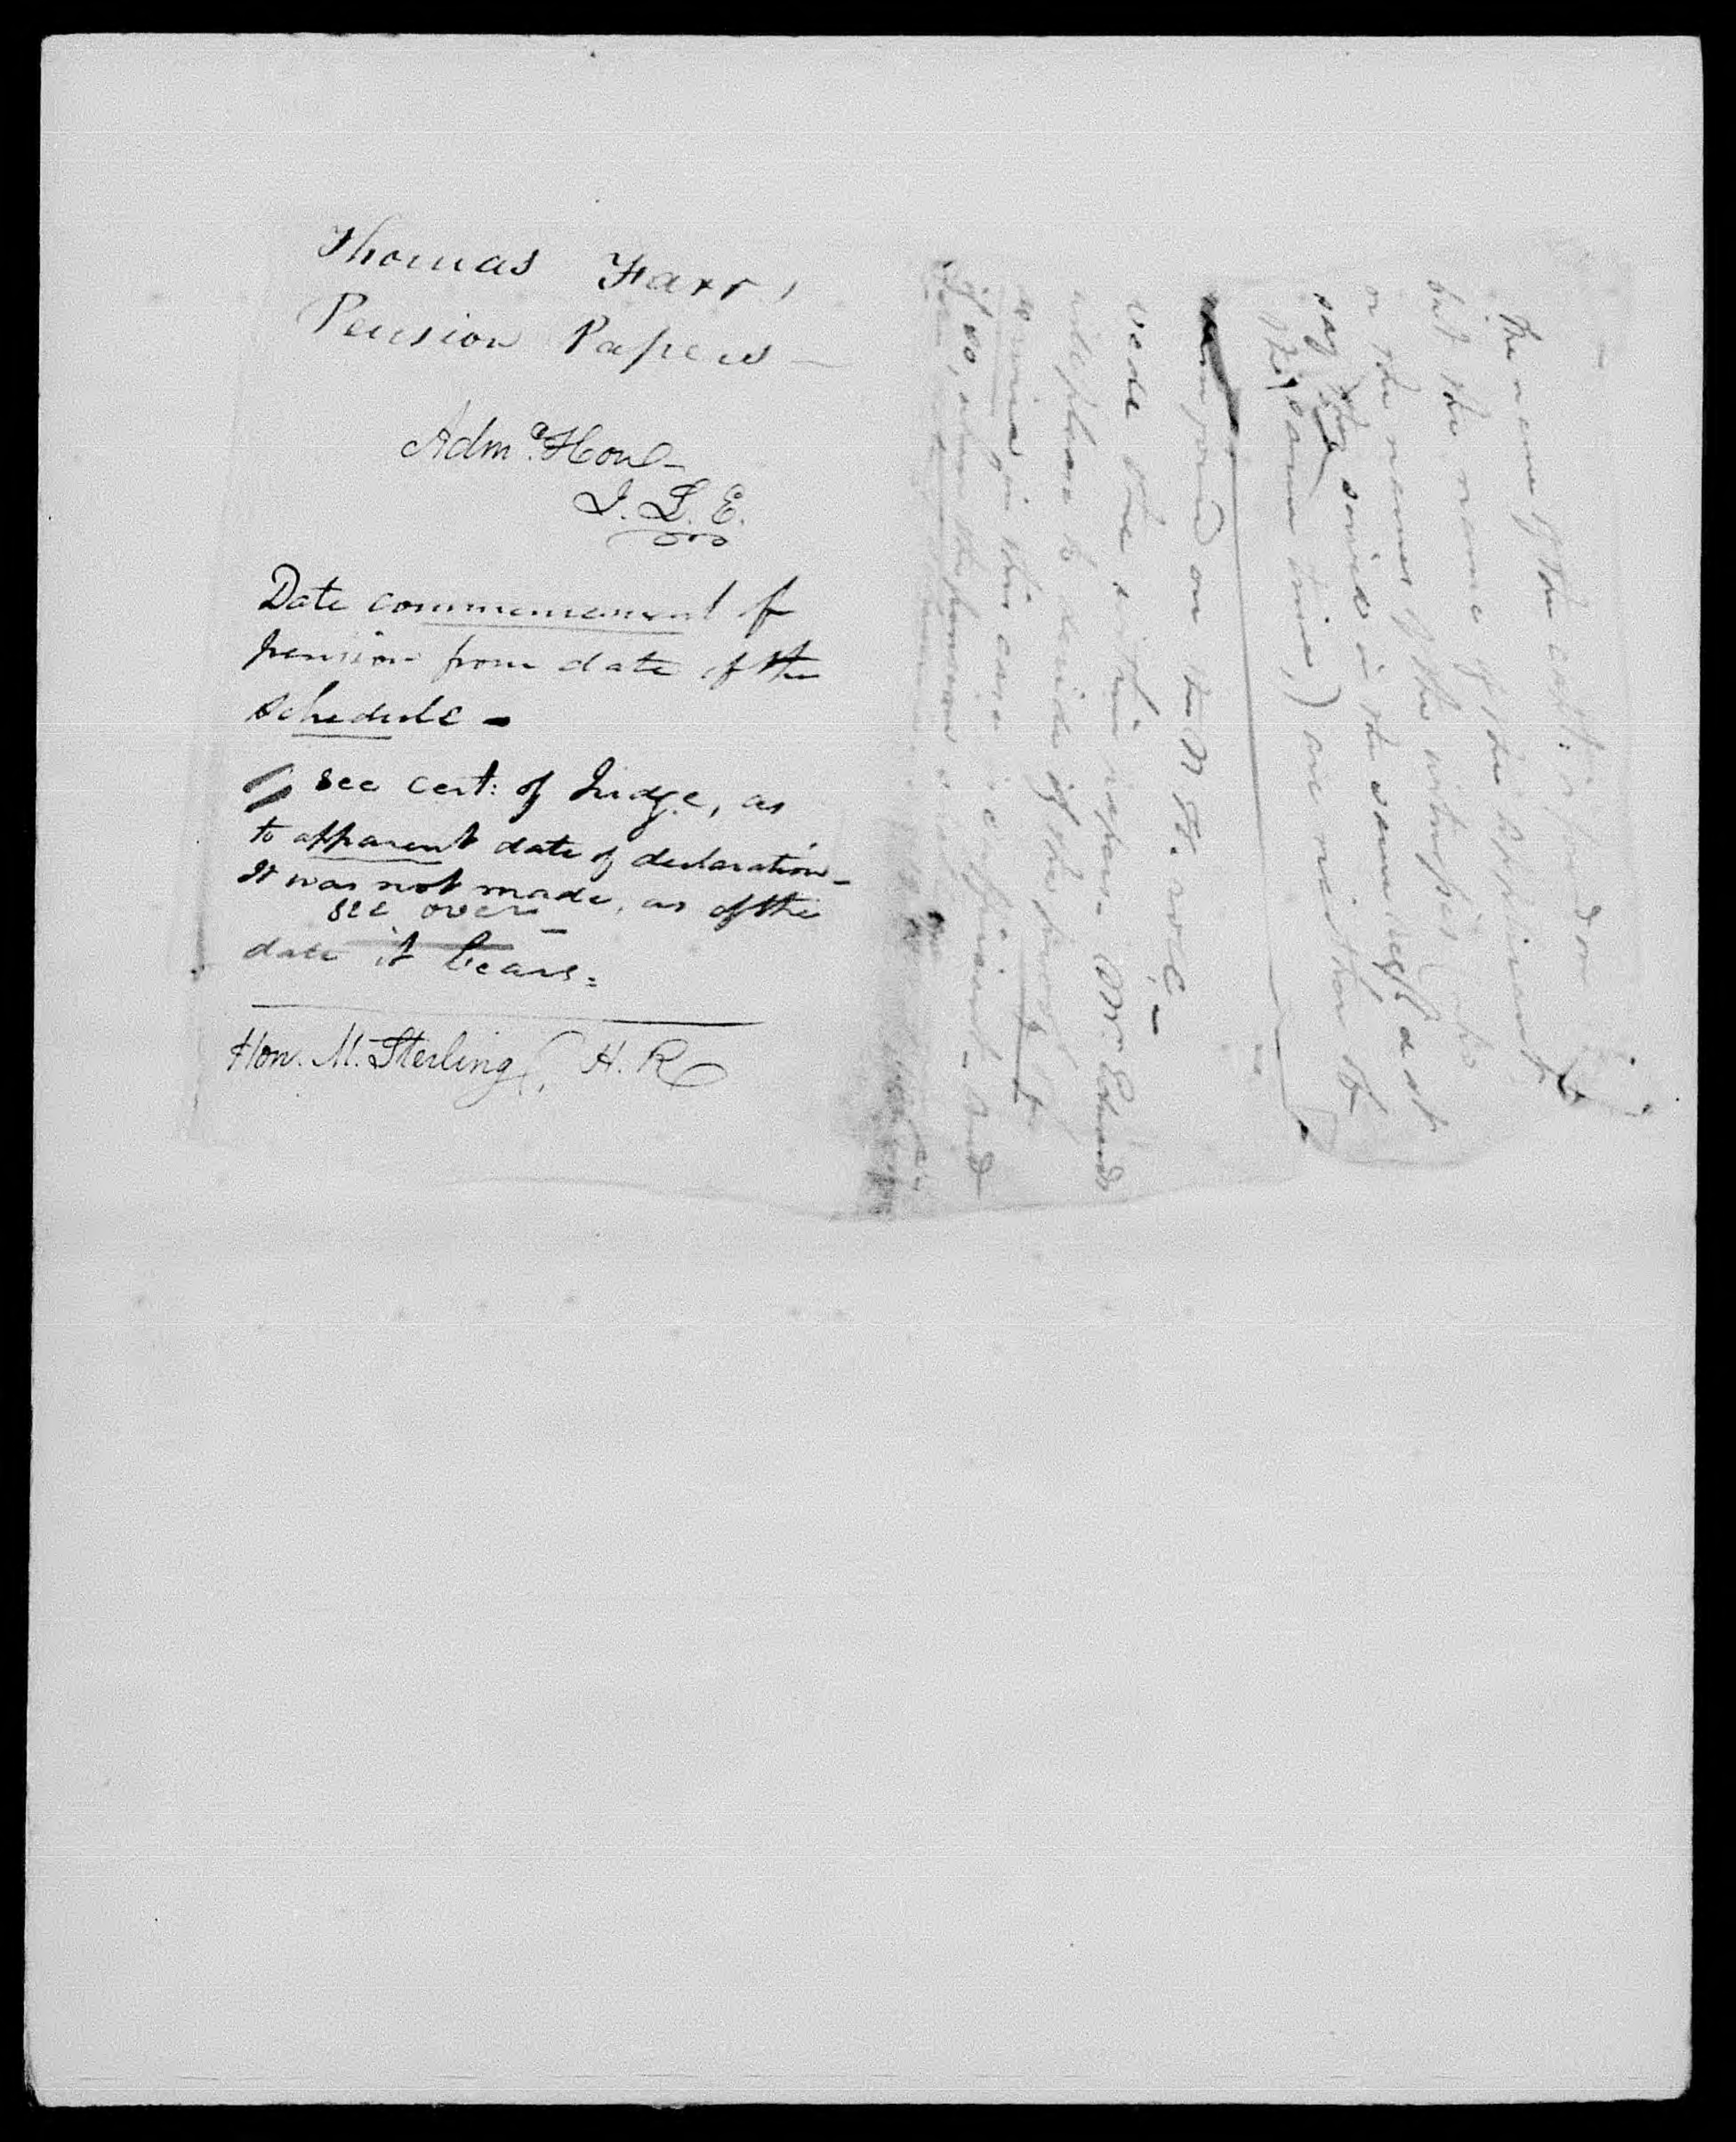[Left page]

Thomas Farr
Pension Papers 
Adm. How J. L. E.

Date commencement of
pension from date of the
Schedule
see cert: of Judge, as
to apparent [underlined] date of declaration_
It was not made, as of the
See over_
date it bears
__________________________
Hon. M. Sterling, H.R

The name of the captain found on
but the name of the applicant
or the names of the witness (who
say they served in the same regt at
the same time,) are neither [?] of
[illegible] found on the NH. roll__
[illegible] the written papers. Mr. Edwards
will please to decide if the proof of
service in this case [illegible] applicant _ and
if so, when the pension shall [illegible]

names: Thomas Farr, Edwards, M Sterling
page: 27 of 46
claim: widow's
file: W. 23022, Thomas Farr, N.H.